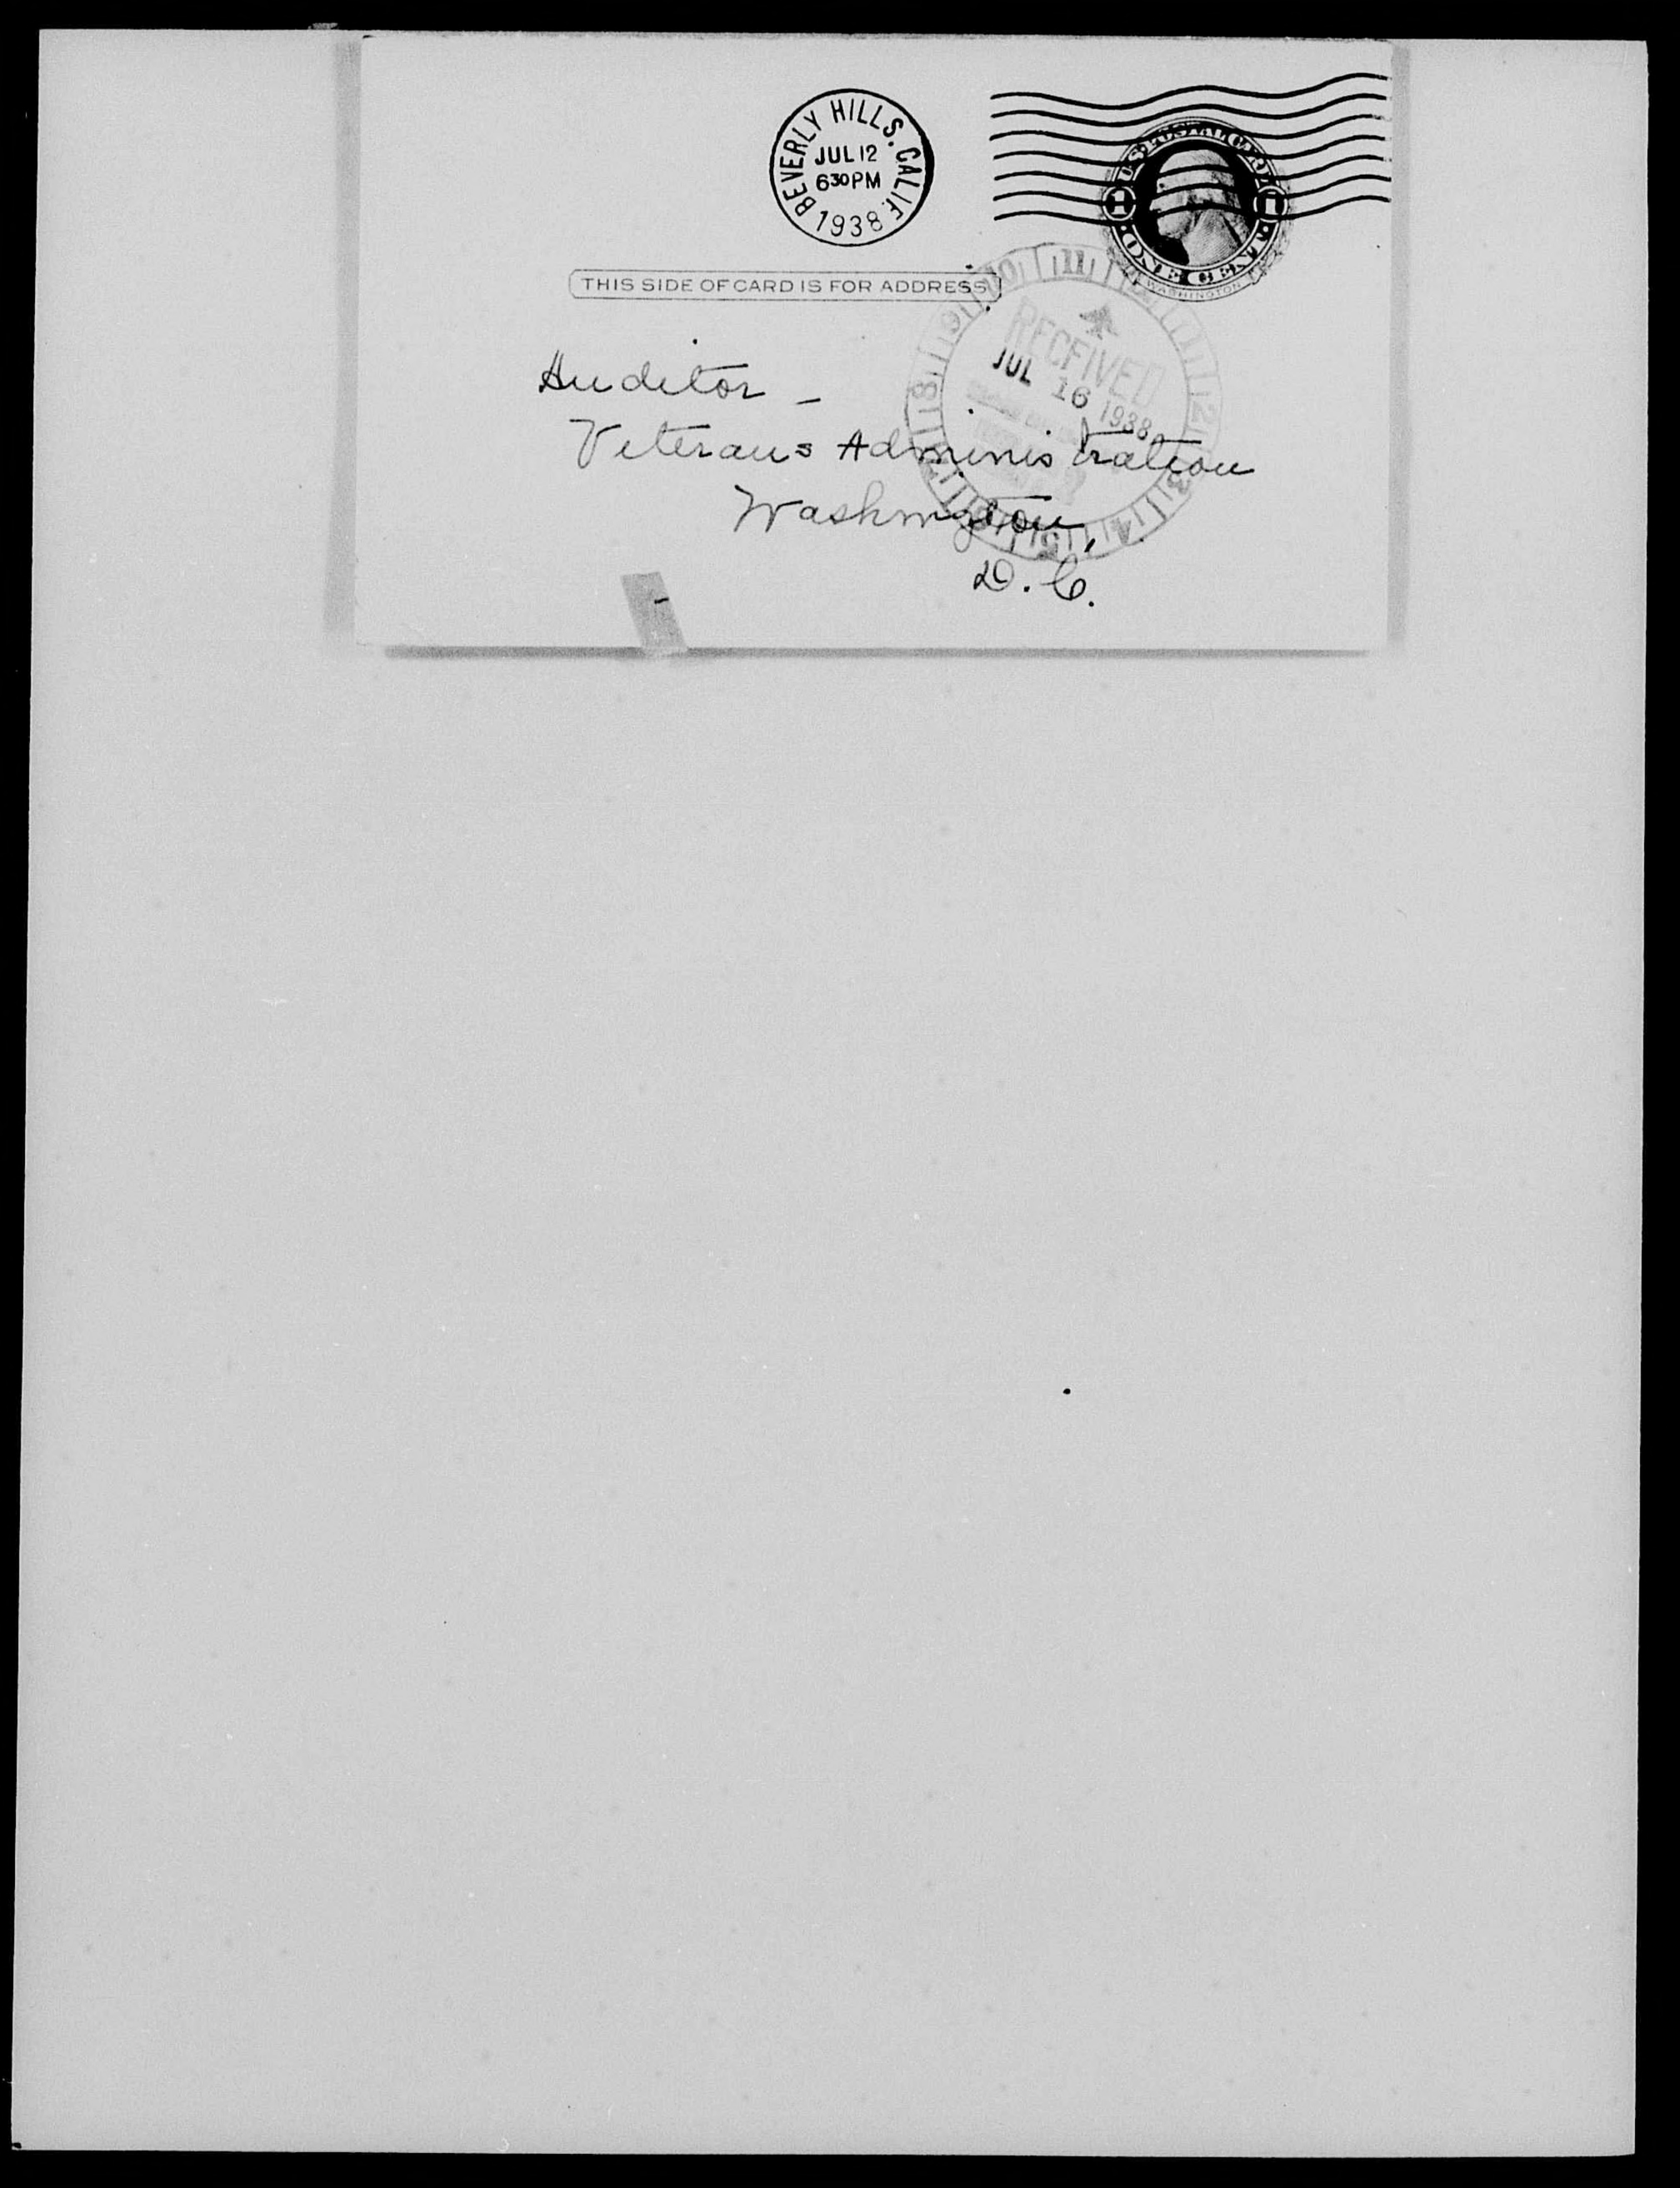Postmarked:
BEVERLY HILLS, CALIF.
JUL 12 6:30 PM 1938

Received Stamp:
JUL 16 1938
Veterans Administration

Addressed to:

Auditor –
Veterans Administration
Washington, D.C.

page: 29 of 45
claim: survivor's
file: S. 31294, for Matthew Patton, Maryland